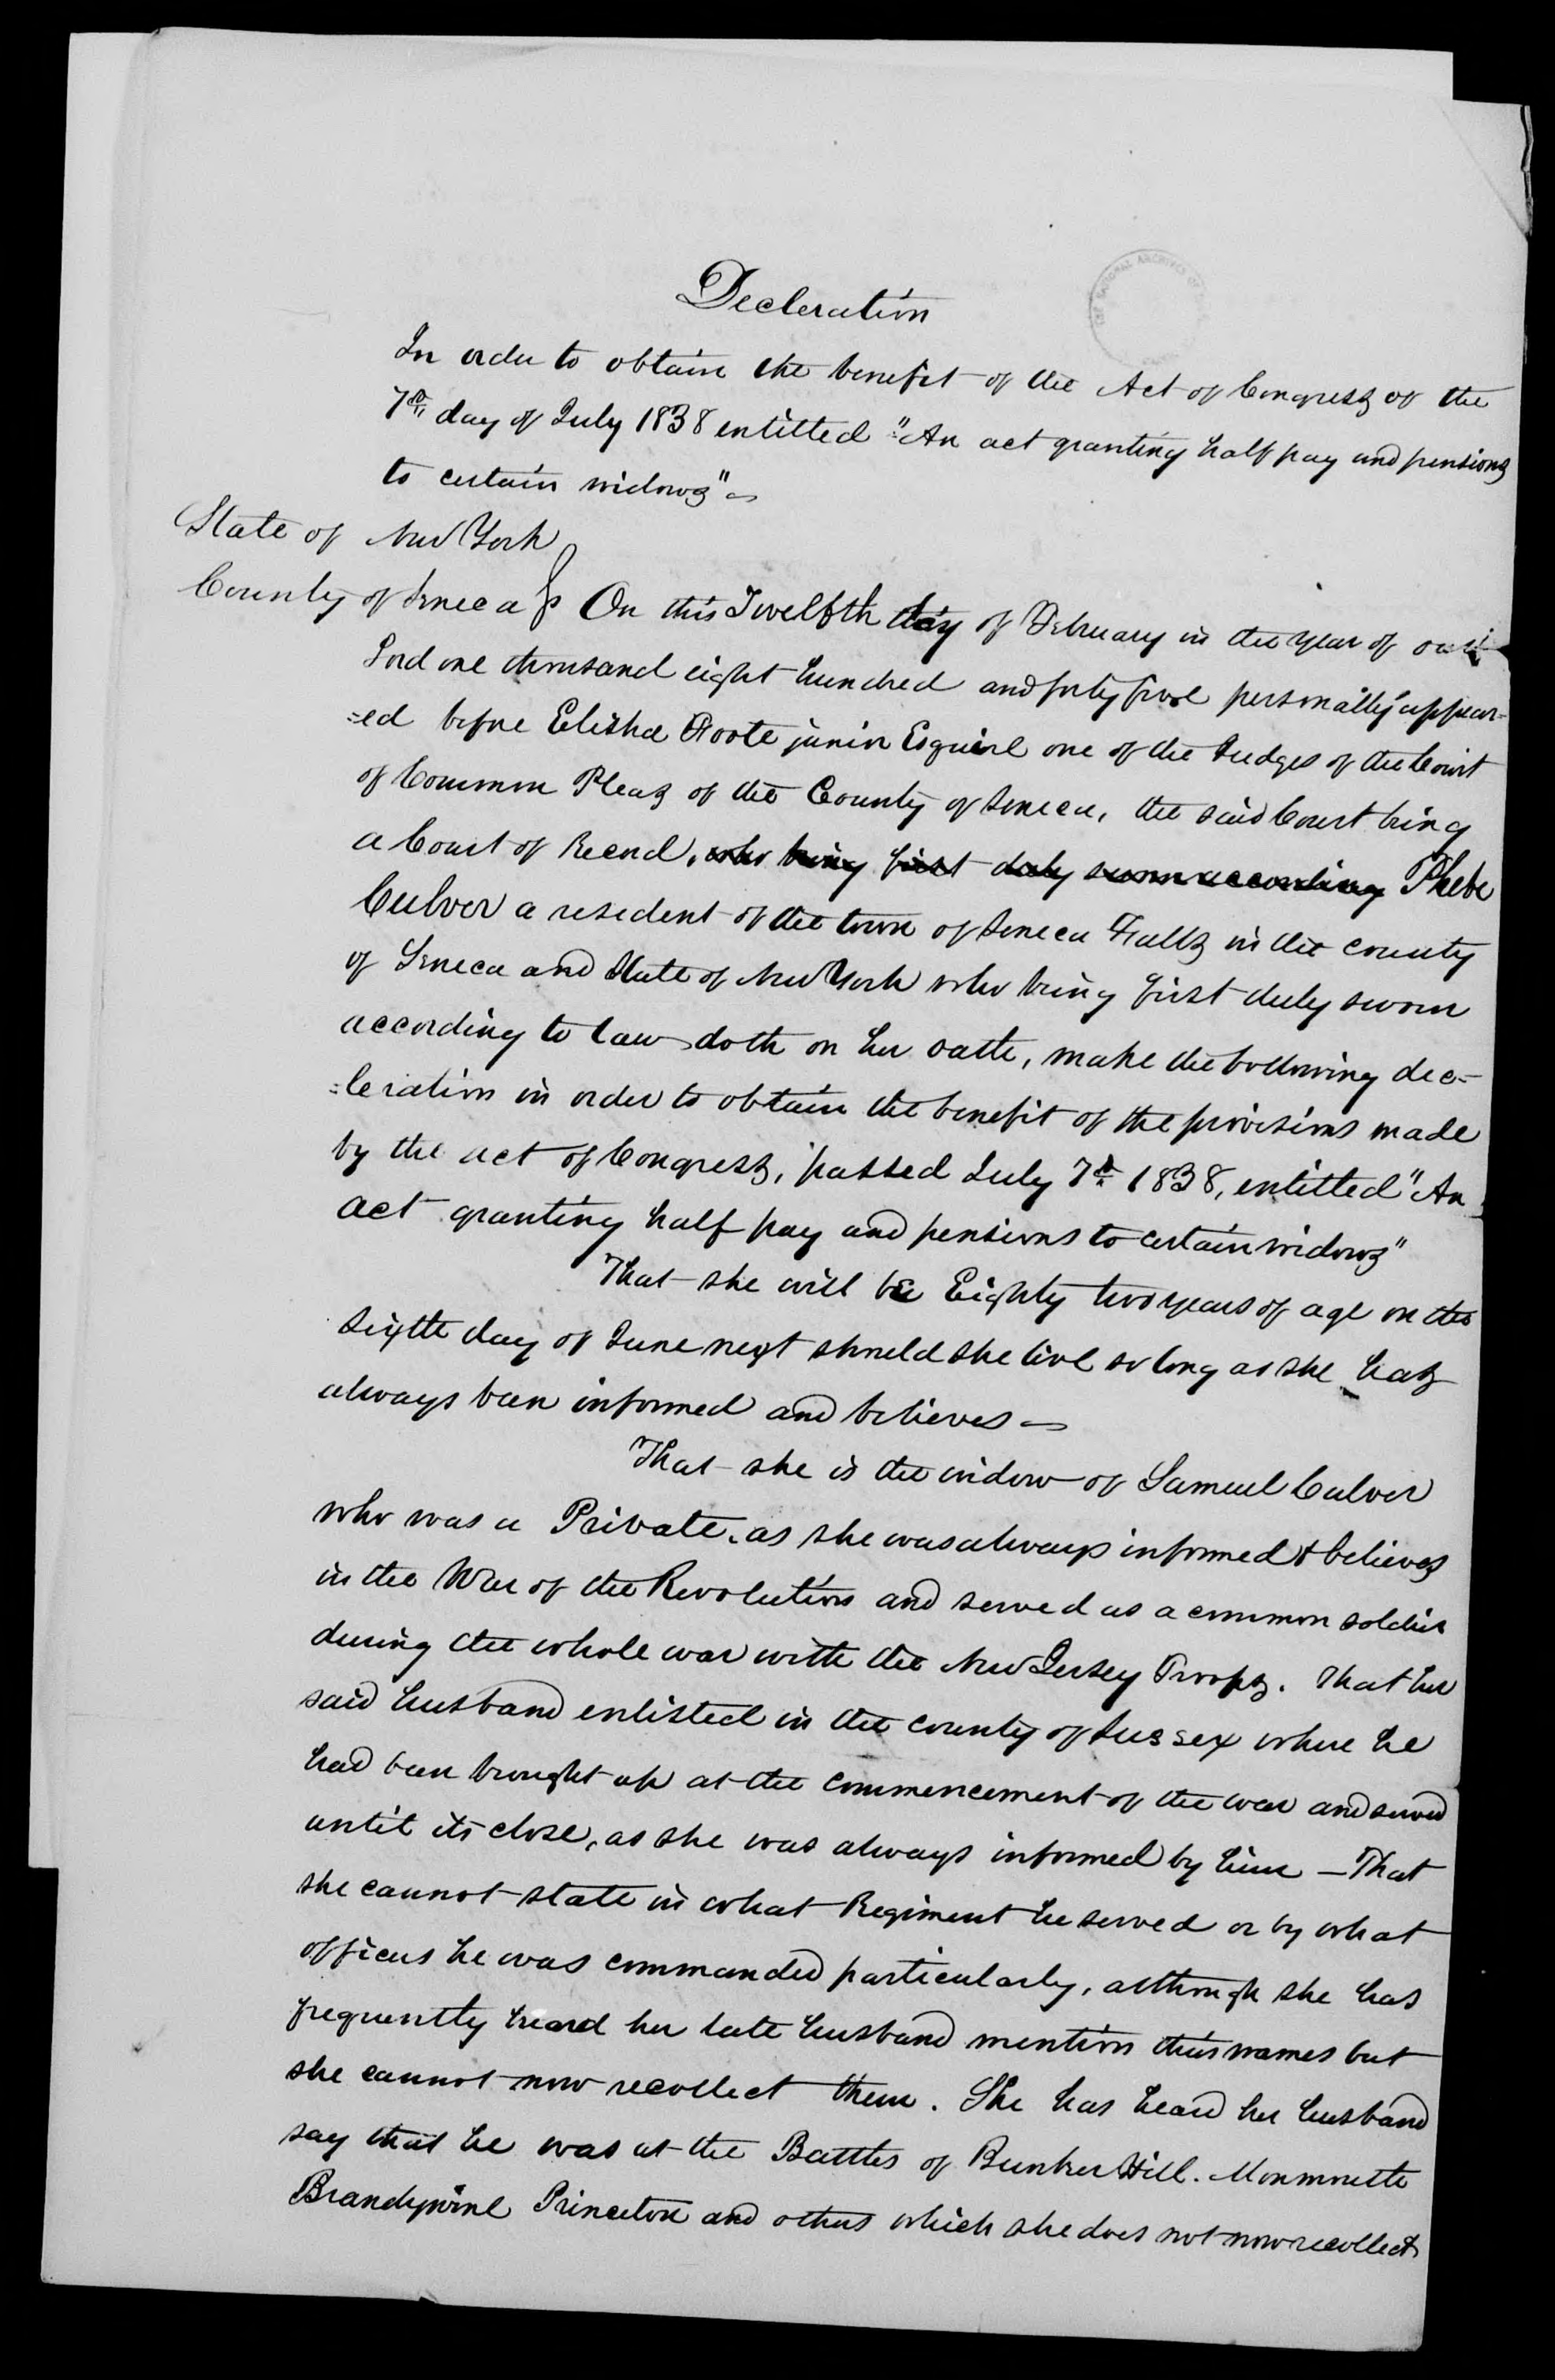Declaration

In order to obtain the benefit of the Act of Congress of the
7th day of July 1838 entitled “An act granting half pay and pensions
To certain widows”

State of New York
County of Seneca ss

On this twelfth day of February in the year of our
Lord one thousand eight hundred and forty five personally appear-
Ed before Elisha Foote junior Esquire one of the Judges of the Court
of Common Pleas of the County of Seneca, the said Court being
a Court of Record and being first duly sworn according  Phebe
Culver a resident of the town of Seneca Falls in the county 
of Seneca and State of New York who being first duly sworn
according to law doth on her oath, make the following dec-
laration in order to obtain the benefit of the provisions made 
by the act of Congress, passed July 7th 1838, entitled “An
act granting half pay and pensions to certain widows”
	That she will be Eighty two years of age on the
sixth day of June next should she live so long as she has 
always been informed and believes – 
	That she is the widow of Samuel Culver
who was a Private, as she was always informed & believes
In the War of the Revolution and served as a common soldier
during the whole war with the New Jersey Troops.  That her
said husband enlisted in the County of Sussex where he
has been brought up at the commencement of the war and served
until its close, as she was always informed by him – That
she cannot state in what Regiment he served or by what
officers he was commanded particularly, although she has 
frequently heard her late husband mention their names but
she cannot now recollect them.  She has heard her late husband
say that he was at the Battles of Bunker Hill Monmouth
Brandywine Princeton and others which she does not now recollect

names: Phebe Culver, Samuel Culver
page: 11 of 40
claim: rejected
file: R. 1,570, Samuel Culver, New Jersey